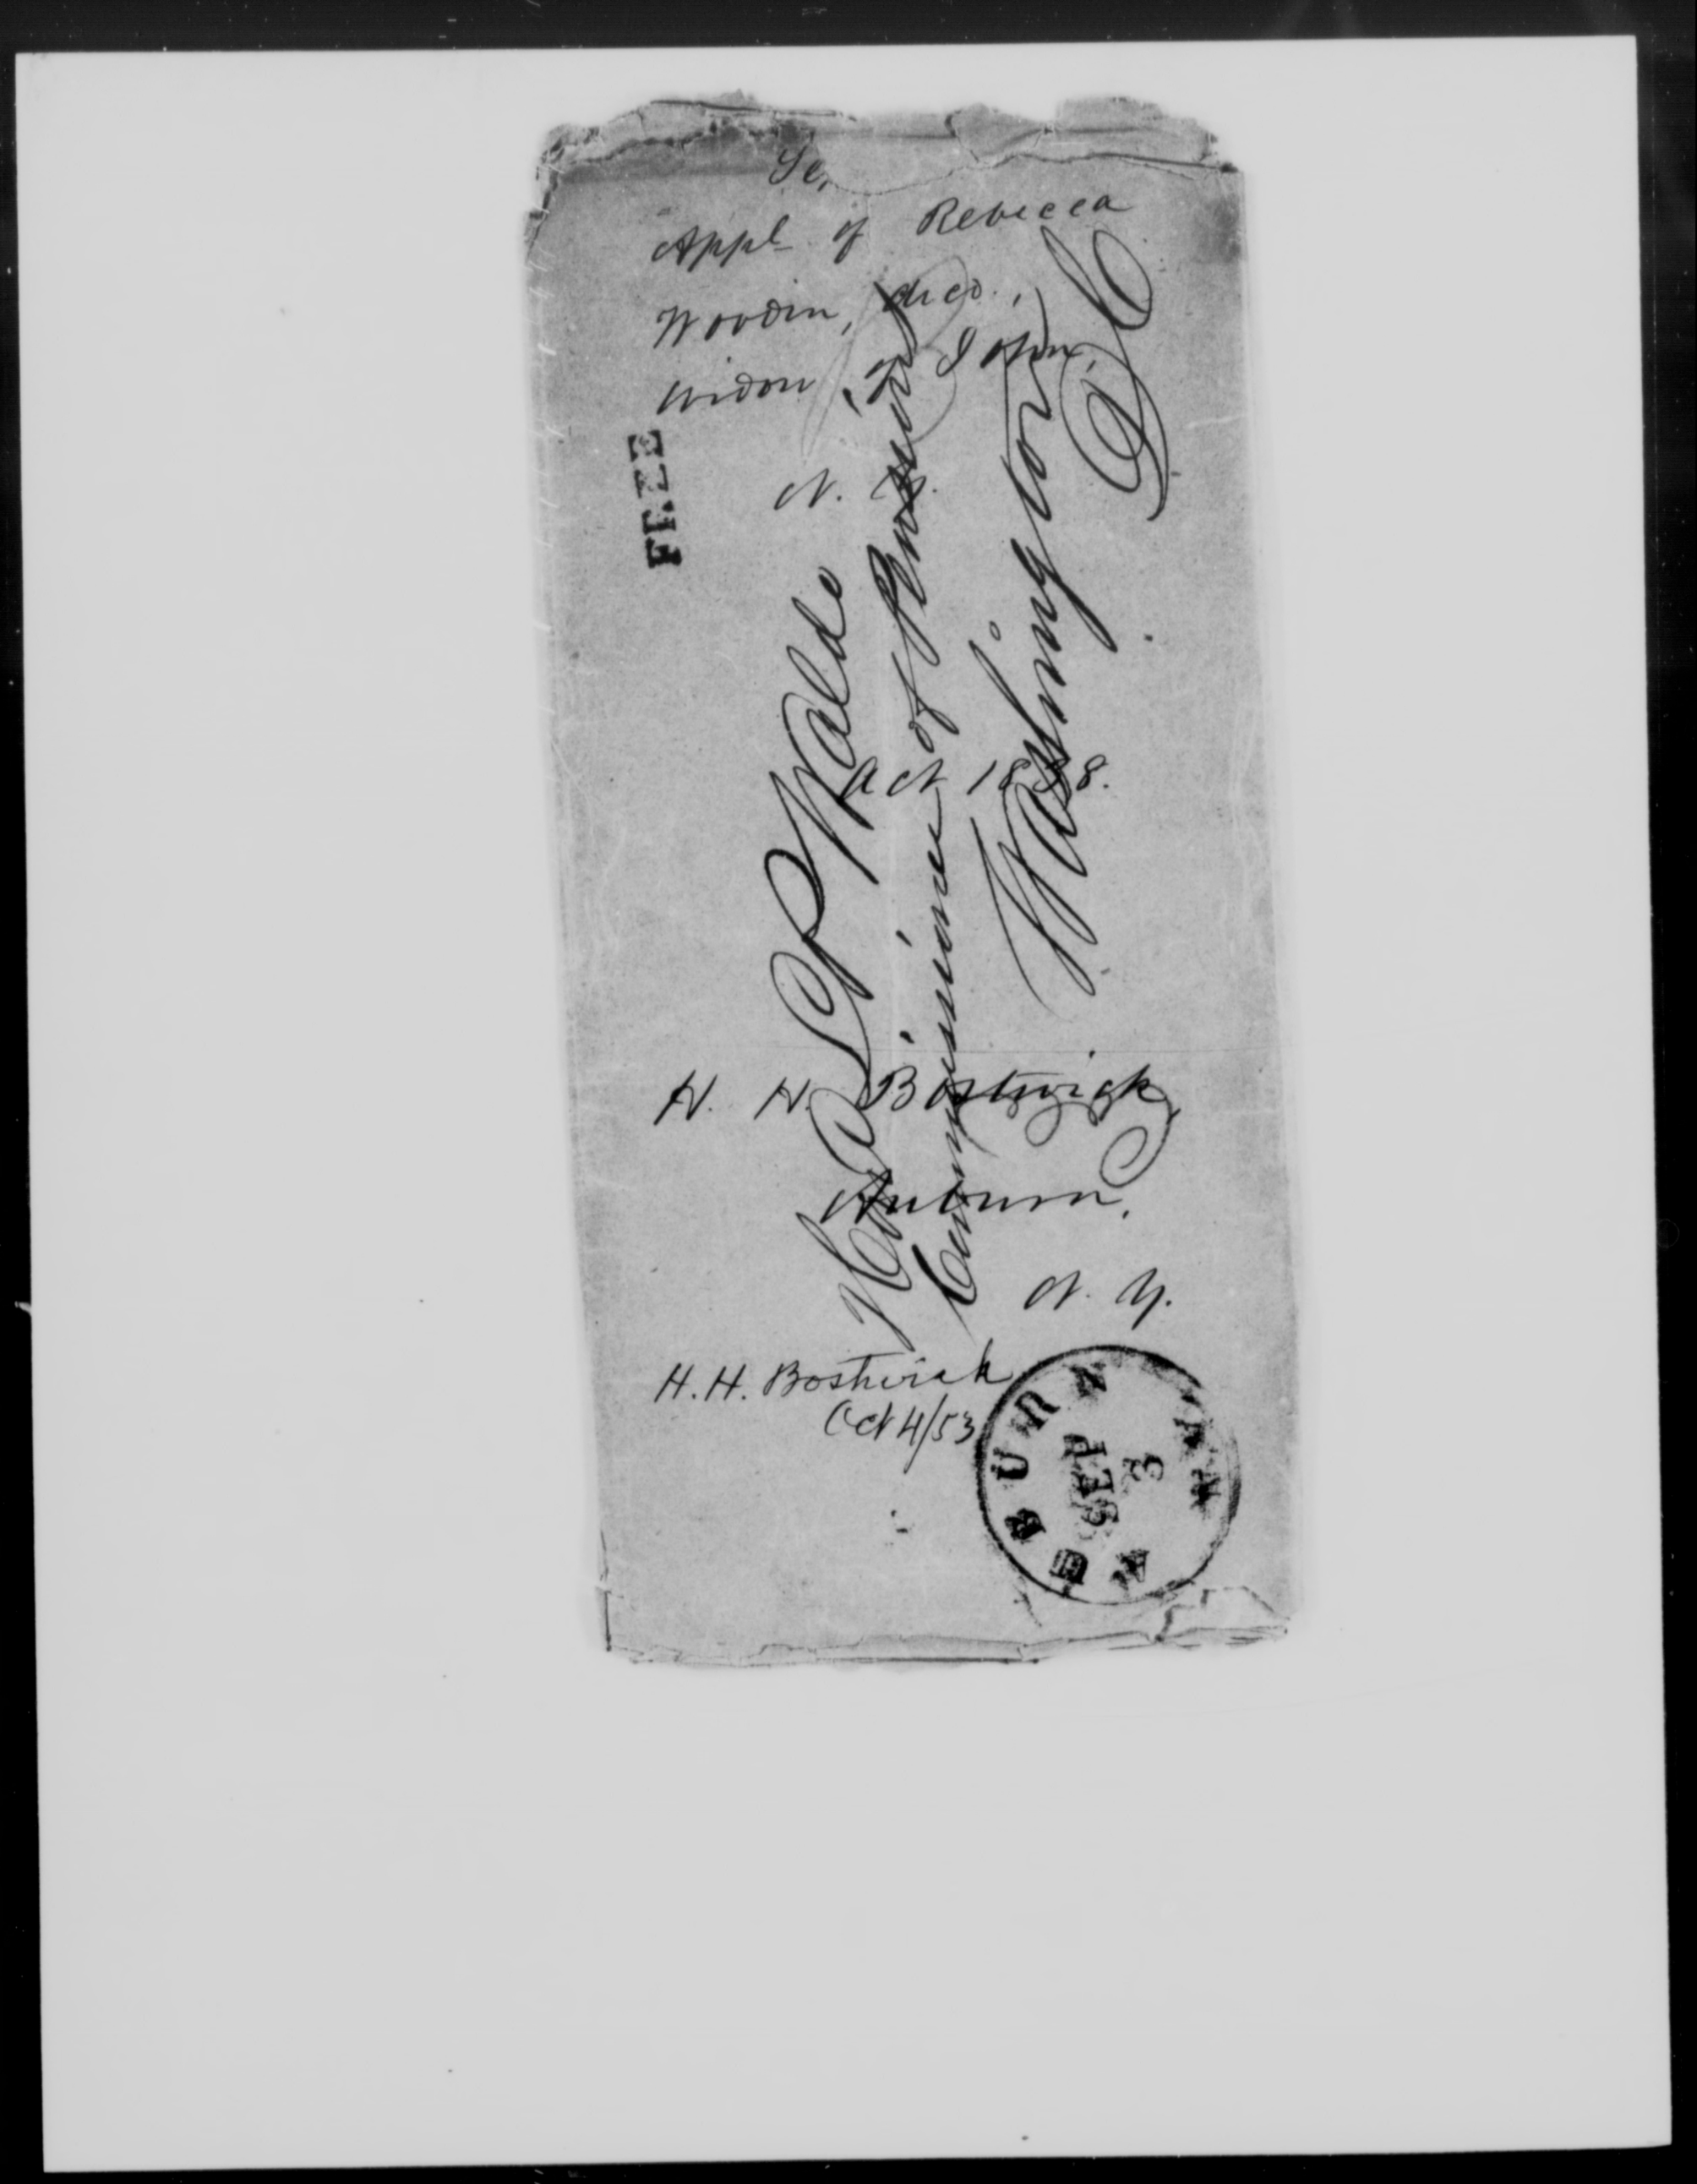Appl of Rebecca Woodin, decd 
widow of John 
N. Y. 
H. H. Bostwick
Auburn, NY

H. H. Bostwick
Oct 4/53
Hon L P Waldo
Commissioner of Pensions
Washington DC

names: L P Waldo, Rebecca Woodin, John Woodin, H H Bostwick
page: 52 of 77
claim: widow's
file: W. 19658, John Woodin, New York